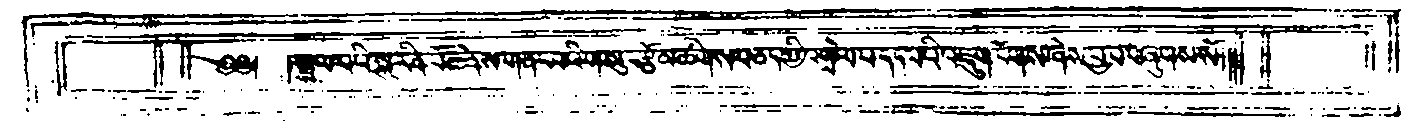༄༅། །སྤྲུལ་བའི་སྐུ་རིན་པོ་ཆེ་ནས་གནང་བའི་གསུང་རྩོམ་ཚིགས་བཅད་ཀྱི་འགྲེལ་བ་དད་པའི་འཇུག་ངོགས་ཞེས་བྱ་བ་བཞུགས་སོ། །